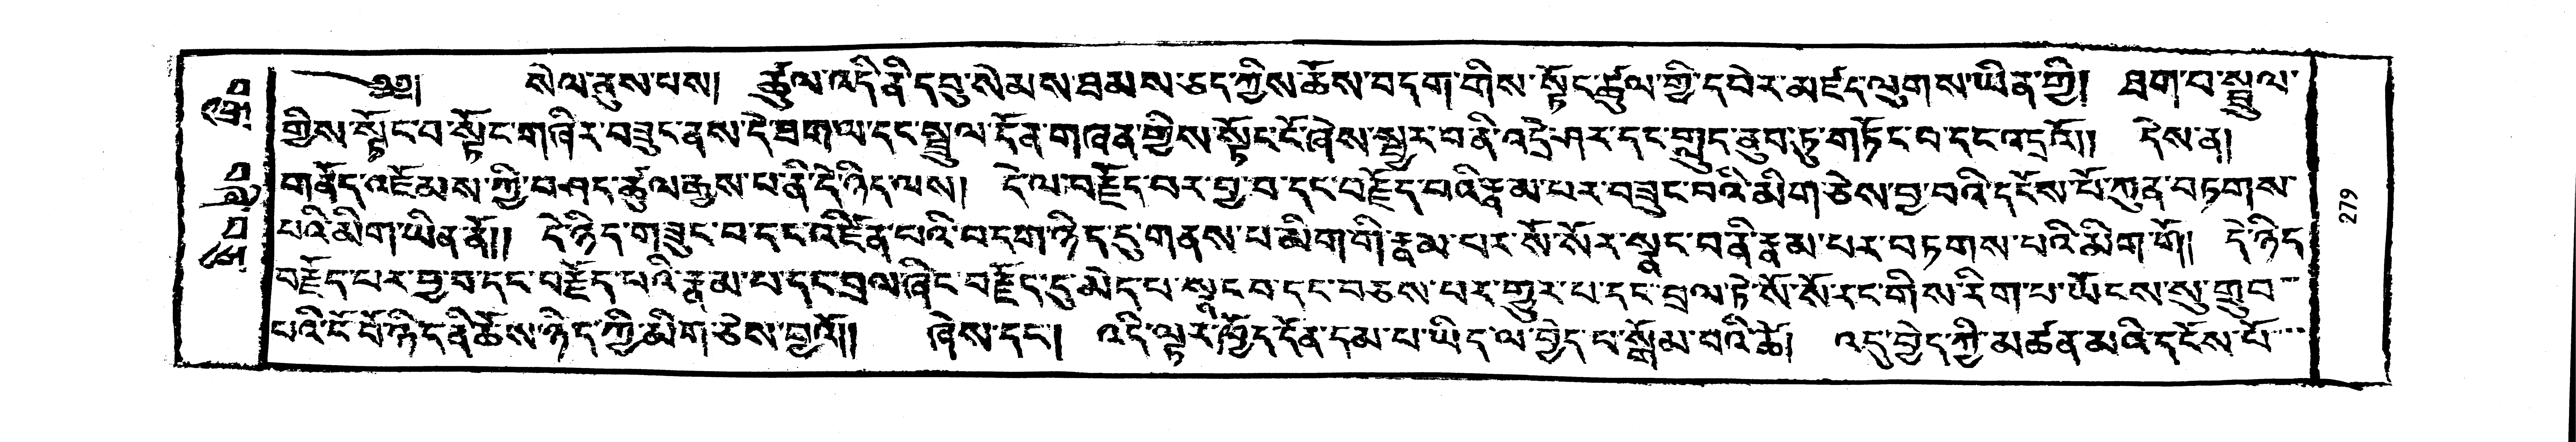༄༅། །སེལ་ནུས་པས། ཚུལ་འདི་ནི་དབུ་སེམས་ཐམས་ཅད་ཀྱིས་ཆོས་བདག་གིས་སྟོང་ཚུལ་གྱི་དཔེར་མཛད་ལུགས་ཡིན་གྱི། ཐག་པ་སྤྲུལ་
གྱིས་སྟོང་བ་སྟོང་གཞིར་བཟུང་ནས་དེ་ཐག་ལ་དང་སྤྲུལ་དོན་གཞན་གྱིས་སྟོང་ངོ་ཞེས་སྦྱར་བ་ནི་འདྲེ་ཤར་དང་གླུང་ནུབ་ཏུ་གཏོང་བ་དང་འདྲའོ། །དེས་ན།
གནོད་འཇོམས་ཀྱི་བཤད་ཚུལ་རྒྱས་པ་ནི་དེ་ཉིད་ལས། དེ་ལ་བརྗོད་བར་བྱ་བ་དང་བརྗོད་པའི་རྣམ་པར་བཟུང་བའི་མིག་ཅེས་བྱ་བའི་དངོས་པོ་ཀུན་བཏགས་
པའི་མིག་ཡིན་ནོ། །དེ་ཉིད་གཟུང་བ་དང་འཛིན་པའི་བདག་ཉིད་དུ་གནས་པ་མིག་གི་རྣམ་པར་སོ་སོར་སྣང་བ་ནི་རྣམ་པར་བཏགས་པའི་མིག་གོ །དེ་ཉིད་
བརྗོད་པར་བྱ་བ་དང་བརྗོད་པའི་རྣམ་པ་དང་བྲལ་ཞིང་བརྗོད་དུ་མེད་པ་སྣང་བ་དང་བཅས་པར་གྱུར་པ་དང་བྲལ་ཏེ་སོ་སོ་རང་གིས་རིག་པ་ཡོངས་སུ་གྲུབ་
པའི་ངོ་བོ་ཉིད་ནི་ཆོས་ཉིད་ཀྱི་མིག་ཅེས་བྱའོ། །ཞེས་དང་། འདི་ལྟར་ཁྱོད་དོན་དམ་པ་ཡིད་ལ་བྱེད་པ་སྒོམ་པའི་ཚེ། འདུ་བྱེད་ཀྱི་མཚན་མའི་དངོས་པོ་